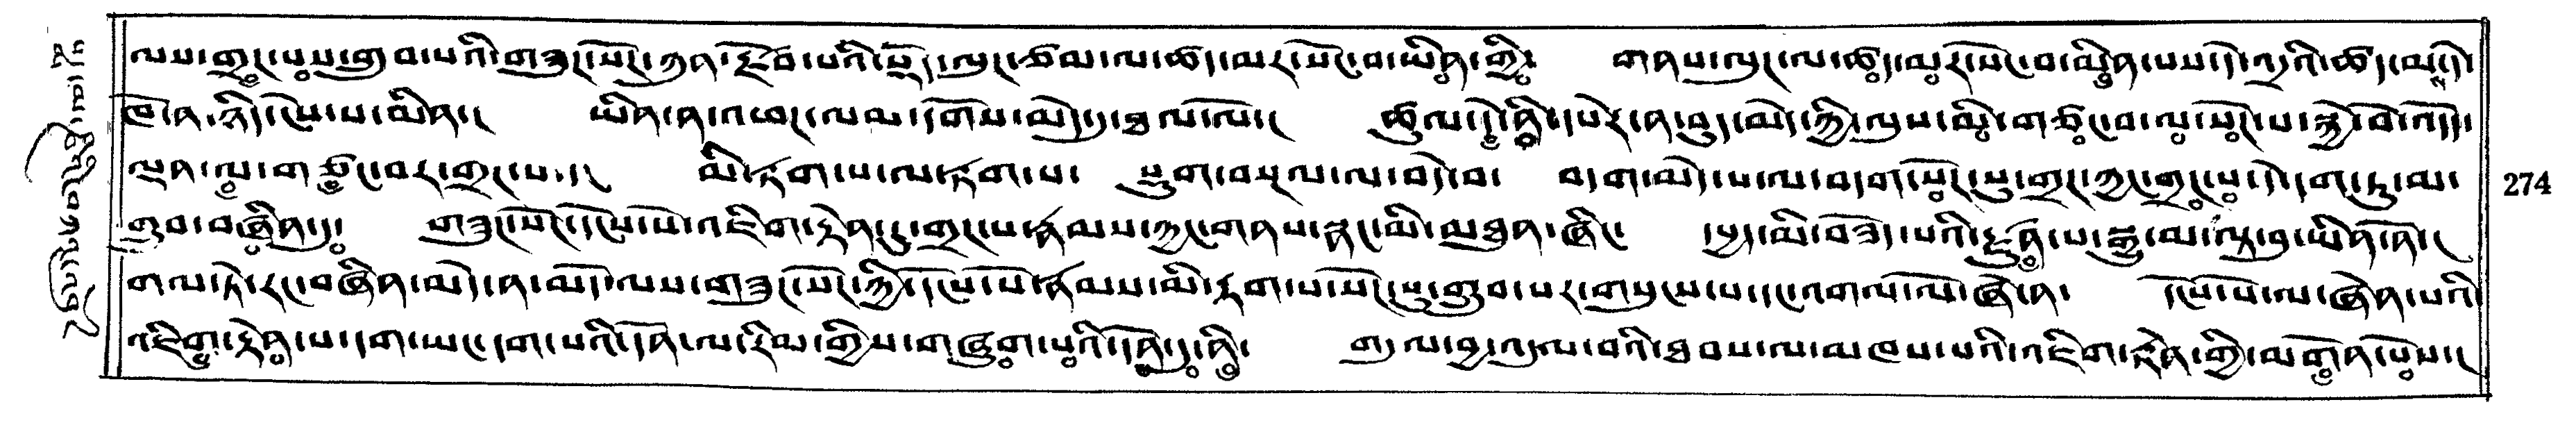ལས་གྲགས་པས་གྲུབ་པའི་གཟུགས་སོགས་ཀུན་རྫོབ་པའི་སྡོད་ལུགས་ཙམ་ལ་ཚད་མར་སོང་བ་ཡིན་གྱི། གནས་ལུགས་ལ་ཚད་མར་སོང་བ་མིན་པས་དེ་འདྲའི་ཚད་མས་དེ་
ཁོ་ན་ཉིད་ངེས་པ་མིན། ཡིན་ན་འཕགས་ལམ་དགོས་མེད་དུ་ཐལ་ལོ། ཚུལ་དེ་ནི་དཔེར་ན་བུད་མེད་ཀྱི་ལུས་མི་གཙང་བ་ལ་སོགས་པ་སྐྱེ་བོ་འདོད་
ལྡན་ལ་གཙང་བར་གྲགས་པ་དང་། མི་རྟག་པ་ལ་རྟག་པ། སྡུག་བསྔལ་ལ་བདེ་བ། བདག་མེད་པ་ལ་བདག་སོགས་སུ་གྲགས་ཀྱང་གྲགས་པ་དེ་དག་ཏུ་མ་
གྲུབ་བཞིན་དུ། གཟུགས་སོགས་དངོས་པོ་འཇིག་རྟེན་དུ་གྲགས་པ་རྣམས་ཀྱང་གནས་སྣང་མི་མཐུན་ཞིང་། དཔྱད་མི་བཟོད་པའི་རྫུན་པ་སྒྱུ་མ་ལྟ་བུ་ཡིན་ནོ། 
གལ་ཏེ་རང་བཞིན་མེད་ན་མདོ་ལས་གཟུགས་སོགས་ཀྱི་དངོས་པོ་རྣམས་མི་རྟག་པ་སོགས་སུ་གྲུབ་པར་གསུངས་པ་དང་འགལ་ལོ་ཞེ་ན། དངོས་པོ་ལ་ཞེན་པའི་
འཇིག་རྟེན་པ་དག་ཡང་དག་པའི་དོན་ལ་རིམ་གྱིས་གཞུག་པའི་དོན་དུ་ནི། གདུལ་བྱ་འདུལ་བའི་ཐབས་ལ་མཁས་པའི་འཇིག་རྟེན་གྱི་མགོན་པོས།